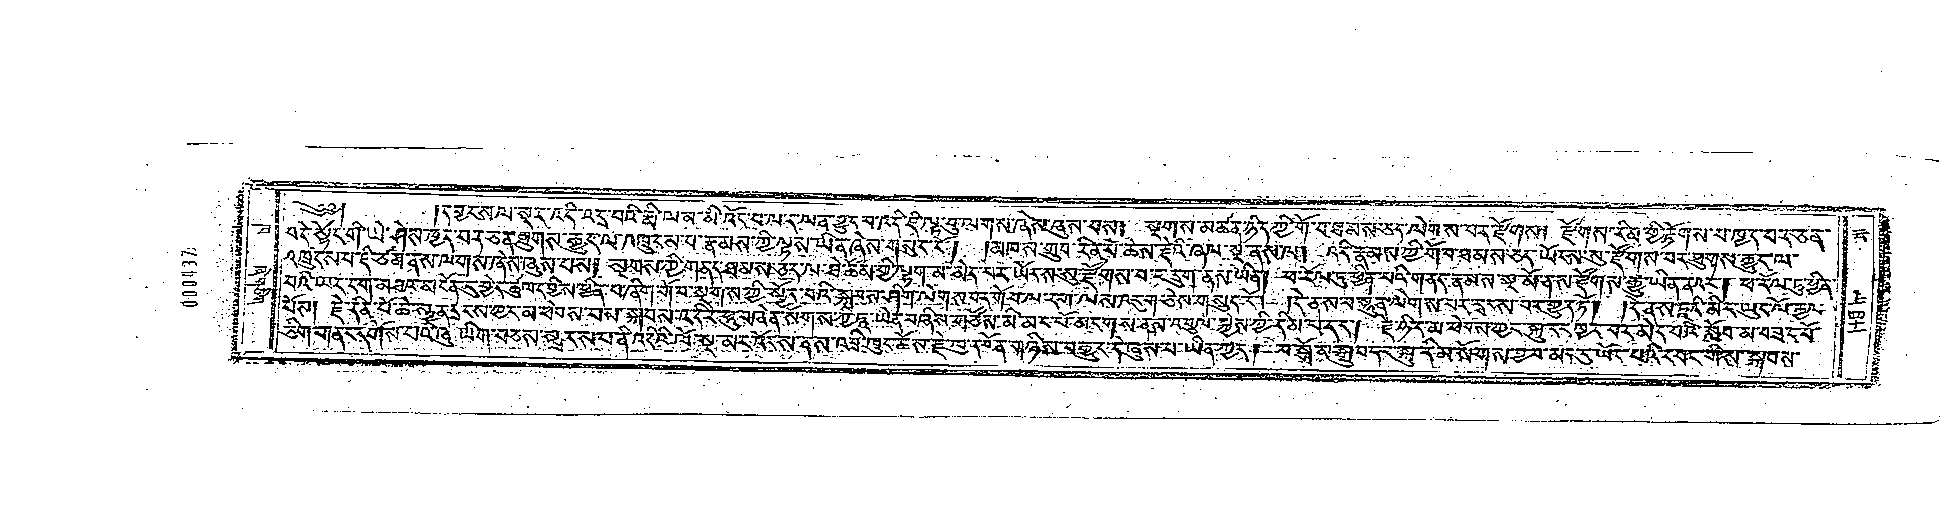༄༅། །དབྱངས་ལ་སྔར་འདི་འདྲ་བའི་རྨི་ལམ་མི་འོང་བ་ལ་ད་ལན་བྱུང་པ་འདི་ཇི་ལྟ་བུ་ལགས་ཞེས་ཞུས་པས། སྔགས་མཚན་ཉིད་ཀྱི་གོ་བ་ཐམས་ཅད་ལེགས་པར་རྫོགས། རྫོགས་རིམ་གྱི་རྟོགས་པ་ཁྱད་པར་ཅན་
བདེ་སྟོང་གི་ཡེ་ཤེས་ཁྱད་བར་ཅན་ཐུགས་རྒྱུད་ལ་འཁྲུངས་པ་རྣམས་ཀྱི་ལྟས་ཡིན་ཞེས་གསུང་ངོ། །མཁས་གྲུབ་རིན་པོ་ཆེས་རྗེའི་ཞལ་སྔ་ནས་ལ། འདི་རྣམས་ཀྱི་གོ་བ་ཐམས་ཅད་ཡོངས་སུ་རྫོགས་པར་ཐུགས་རྒྱུད་ལ་
འཁྲུངས་པ་ཇི་ཙམ་ནས་ལེགས་ཞེས་ཞུས་པས། སྔགས་ཀྱི་གནས་ཐམས་ཅད་ལ་ཐེ་སོམ་གྱི་ལྷག་མ་མེད་པར་ཡོངས་སུ་རྫོགས་པ་ང་དྲུག་ནས་ཡིན། ཕ་རོལ་ཏུ་ཕྱིན་པའི་གནད་རྣམས་སྔ་མོ་ནས་རྫོགས་རྒྱུ་ཡིན་ནའང་། ཕ་རོལ་ཏུ་ཕྱིན་
པའི་ཡང་དག་མཐའ་མངོན་དུ་བྱེད་ཚུལ་དབྱིས་ཕྱིན་པ་ཞིག་གོ་བ་སྔགས་ཀྱི་སྤྱོད་པའི་སྐབས་ཤིག་ལེགས་པར་གོ་བ་ལ་རག་ལས་འདུག་ཅེས་གསུང་ངོ། །དེ་ནས་བསྙུན་ལེགས་པར་དྭངས་བར་གྱུར་ཏོ། །དེ་ནས་ཏཱའི་མིང་ཡུང་ལོ་རྒྱལ་
པོས། རྗེ་རིན་པོ་ཆེ་སྤྱན་དྲངས་ཀྱང་མ་ཕབས་པས་སྐབས་འདིར་པཱུ་བཞེན་སོགས་ཀྱི་ཏཱ་ཡིན་བཞེས་གཙོས་མི་མང་པོ་མངགས་ནས་འབུལ་སྐྱེས་ཀྱི་རིམ་པ་དང་། རྗེ་ཉིད་མ་ཕེབས་ཀྱང་སྐུ་དང་ཁྱད་བར་མེད་པའི་སློབ་མ་བཟང་པོ་ཧོར་ལ་
ང་དགོས་པའི་ཞུ་ཡིག་བཅས་སྤྲངས་པ་ནི་འདིའི་ལོ་སྔ་མང་འོངས་ནས་འབྲི་ཁུང་ཆོས་རྗེ་ཁུ་དབོན་གཉིས་བརྒྱུད་དེ་ཞུས་པ་ཡིན་ཀྱང་། བསྒོམ་སྒྲུབ་དང་སྐུ་རིམ་སོགས་བྱ་བ་མང་དུ་ཡོང་པའི་དབང་གིས་སྐབས་